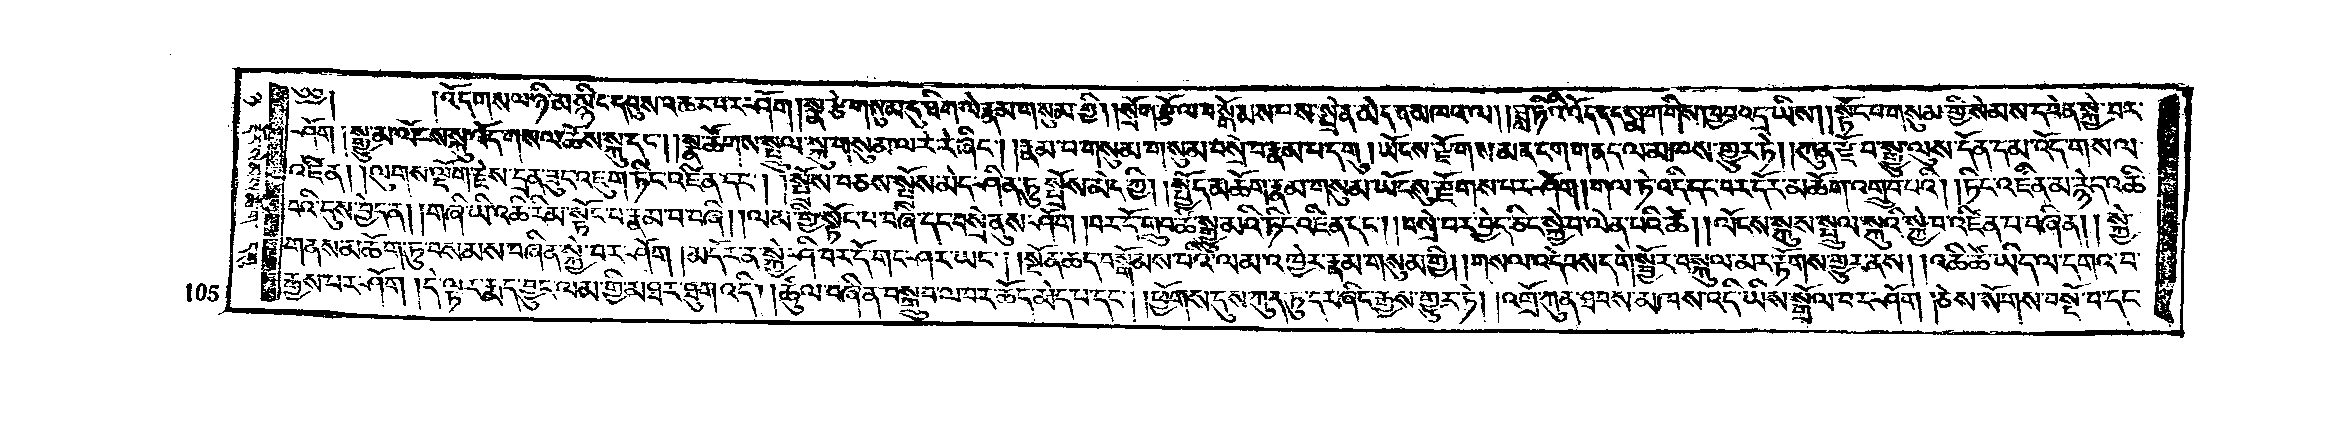༄༅། །འོད་གསལ་ཉི་མ་སྙིང་དབུས་འཆར་བར་ཤོག །སྣ་རྩེ་གསུམ་དུ་ཐིག་ལེ་རྣམ་གསུམ་གྱི། །སྲོག་རྩོལ་བསྒོམས་པས་སྤྲིན་མེད་ནམ་མཁའ་ལ། །ཟླ་ཉིའི་འོད་དང་སྨག་གིས་ཁྱབ་འདྲ་ཡིས། །སྟོང་པ་གསུམ་གྱི་སེམས་དབེན་སྐྱེ་བར་
ཤོག །སྒྱུ་མ་ལོངས་སྐུ་འོད་གསལ་ཆོས་སྐུ་དང་། །སྣ་ཚོགས་སྤྲུལ་སྐུ་གསུམ་ལ་རེ་རེ་ཞིང་། །རྣམ་པ་གསུམ་གསུམ་བསྲེ་བ་རྣམ་པ་དགུ །ཡོངས་རྫོགས་མན་ངག་གནད་ལ་མཁས་གྱུར་ཏེ། །ཀུན་རྫོབ་སྒྱུ་ལུས་དོན་དམ་འོད་གསལ་
འཛིན། །ལུགས་ལྡོག་རྗེས་དྲན་ཟུང་འཇུག་ཏིང་འཛིན་དང་། །སྤྲོས་བཅས་སྤྲོས་མེད་ཤིན་ཏུ་སྤྲོས་མེད་ཀྱི། །སྤྱོད་མཆོག་རྣམ་གསུམ་ཡོངས་སུ་རྫོགས་པར་ཤོག །གལ་ཏེ་འདི་དང་བར་དོར་མཆོག་འགྲུབ་པའི། །ཏིང་འཛིན་མ་རྙེད་འཆི་
བའི་དུས་བྱེད་ན། །གཞི་ཡི་འཆི་རིམ་སྟོང་པ་རྣམ་པ་བཞི། །ལམ་གྱི་སྟོང་པ་བཞི་དང་བསྲེ་ནུས་ཤོག །བར་དོ་གྲུབ་ཚེ་སྒྱུ་མའི་ཏིང་འཛིན་དང་། །བསྲེ་བར་བྱེད་ཅིང་སྐྱེ་བ་ལེན་པའི་ཚེ། །ལོངས་སྐུས་སྤྲུལ་སྐུའི་སྐྱེ་བ་འཛིན་པ་བཞིན། །སྐྱེ་
གནས་མཆོག་ཏུ་བསམས་བཞིན་སྐྱེ་བར་ཤོག །མདོར་ན་སྐྱེ་ཤི་བར་དོ་གང་ཤར་ཡང་། །སྔོན་ཆད་བསྒོམས་པའི་ལམ་འཁྱེར་རྣམ་གསུམ་གྱི། །གསལ་འདེབས་དགེ་སྦྱོར་བསྐུལ་མར་རྟོགས་གྱུར་ནས། །འཆི་ཚེ་ཡིད་ལ་དགའ་བ་
རྒྱས་པར་ཤོག །དེ་ལྟར་རྨད་བྱུང་ལམ་གྱི་མཐར་ཐུག་འདི། །ཚུལ་བཞིན་བསྒྲུབ་ལ་བར་ཆོད་མེད་པ་དང་། །ཕྱོགས་དུས་ཀུན་ཏུ་དར་ཞིང་རྒྱས་གྱུར་ཏེ། །འགྲོ་ཀུན་ཐབས་མཁས་འདི་ཡིས་སྒྲོལ་བར་ཤོག །ཅེས་སོགས་བསྔོ་བ་དང་